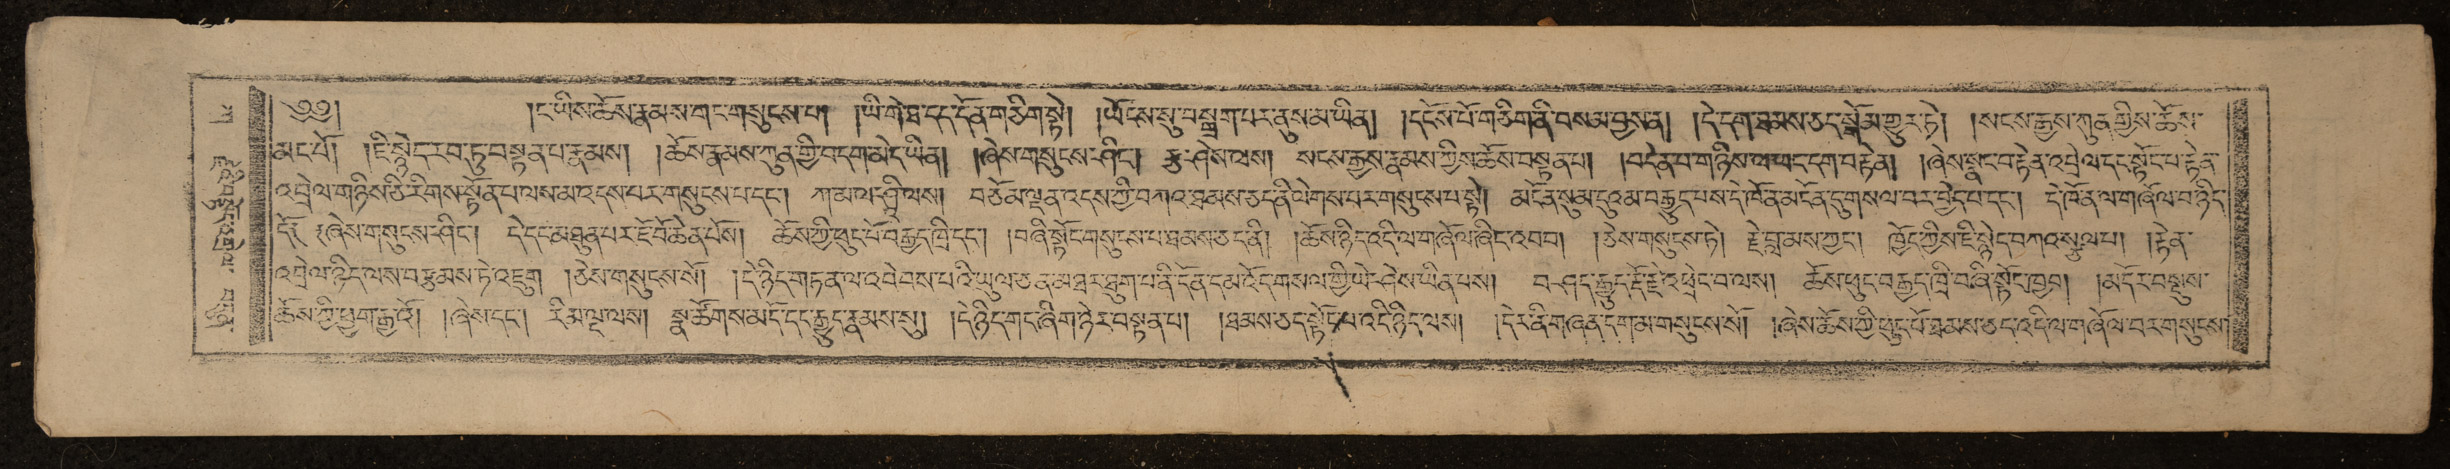༄༅། །ད་ཡིས་ཆོས་རྣམས་གང་གསུངས་པ། །ཡི་གེ་ཐ་དད་དོན་གཅིག་སྟེ། །ཡོངས་སུ་བསྐྲག་པར་ནུས་མ་ཡིན། །དངོས་པོ་གཅིག་ནི་བསམ་བྱས་ན། །དེ་དག་ཐམས་ཅད་སྒོམ་གྱུར་ཏེ། །སངས་རྒྱས་ཀུན་གྱིས་ཆོས་
མང་པོ། །ཇི་སྙེད་རབ་ཏུ་བསྟན་པ་རྣམས། །ཆོས་རྣམས་ཀུན་གྱི་བདག་མེད་ཡིན། །ཞེས་གསུངས་ཤིང་། རྩ་ཤེས་ལས། སངས་རྒྱས་རྣམས་ཀྱིས་ཆོས་བསྟན་པ། །བདེན་པ་གཉིས་ལ་ཡང་དག་བརྟེན། །ཞེས་སྣང་བརྟེན་འབྲེལ་དང་སྟོང་བརྟེན་
འབྲེལ་གཉིས་ཅི་རིགས་སྟོན་པ་ལས་མ་འདས་པར་གསུངས་པ་དང་། ཀ་མ་ལ་ཤཱི་ལས། བཅོམ་ལྡན་འདས་ཀྱི་བཀའ་ཐམས་ཅད་ནི་ལེགས་པར་གསུངས་པ་སྟེ། མངོན་སུམ་དུབ་མང་རྒྱུད་པས་དེ་ཁོ་ན་མངོན་དུ་གསལ་བར་བྱེད་པ་དང་། དེ་ཁོ་ན་ལ་གཞོལ་བ་ཉིད་
དོ༑ ༑ཞེས་གསུངས་ཤིང་། དེ་དང་མཐུན་པར་ཇོ་བོ་ཆེན་པོས། ཆོས་ཀྱི་ཕུང་པོ་བརྒྱད་ཁྲི་དང་། །བཞི་སྟོང་གསུངས་བ་ཐམས་ཅད་ནི། །ཆོས་ཉིད་འདི་ལ་གཞོལ་ཞིང་འབབ། །ཅེས་གསུངས་ཏེ། རྗེ་བླ་མས་ཀྱང་། ཁྱོད་ཀྱིས་ཇི་སྙེད་བཀའ་སྩལ་བ། །རྟེན་
འབྲེལ་ཉིད་ལས་བརྩམས་ཏེ་འཇུག །ཅེས་གསུངས་སོ། །དེ་ཉིད་གཏན་ལ་འབེབས་པའི་ཡུལ་ཅན་མཐར་ཐུག་བ་ནི་དོན་དམ་འོད་གསལ་གྱི་ཡེ་ཤེས་ཡིན་པས། བཤད་རྒྱུད་རྡོ་རྗེ་འཕྲེང་བ་ལས། ཆོས་ཕུང་བརྒྱད་ཁྲི་བཞི་སྟོང་ཁྱབ། །མདོར་བསྡུས་
ཆོས་ཀྱི་ཕྱག་རྒྱའོ། །ཞེས་དང་། རིམ་ལྔ་ལས། སྣ་ཚོགས་མདོ་དང་རྒྱུད་རྣམས་སུ། །དེ་ཉིད་གང་ཞིག་ཉེར་བསྟན་པ། །ཐམས་ཅད་སྟོང་བ་འདི་ཉིད་ལས། །དེར་ནི་གཞན་དག་མ་གསུངས་སོ། །ཞེས་ཆོས་ཀྱི་ཕུང་པོ་ཐམས་ཅད་འདི་ལ་གཞོལ་བར་གསུངས་